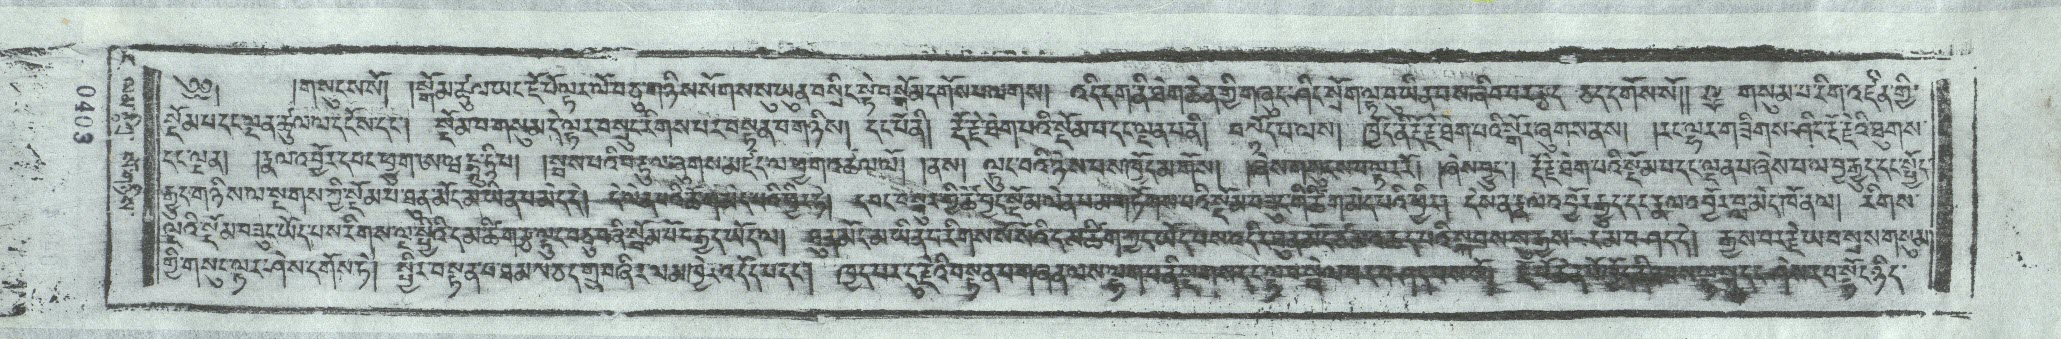༄༅། །གསུངས་སོ། །སྒོམ་ཚུལ་ཡང་ཇོ་བོ་ལྟར་ལོ་བཅུ་གཉིས་སོགས་སུ་ཡུན་བསྲིང་སྟེ་བསྒོམ་དགོས་པ་ལགས། འདི་དག་ནི་ཐེག་ཆེན་གྱི་གཞུང་ཤིང་སྲོག་ལྟ་བུ་ཡིན་པས་ཞིབ་པར་རྩད་ཅད་དགོས་སོ།། ༈ གསུམ་པ་རིག་འཛིན་གྱི་
སྔོམ་ཕ་དང་ལྡན་ཚུལ་ལ་དངོས་དང་། སྡོམ་པ་གསུམ་དེ་ལྟར་བསྲུང་རིགས་པར་བསྟན་པ་གཉིས། དང་པོ་ནི། རྡོ་རྗེ་ཐེག་པའི་སྡོམ་པ་དང་ལྡན་པ་ནི། བསྟོད་པ་ལས། ཁྱོད་ནི་རྡོ་རྗེ་ཐེག་པའི་སྒོར་ཞུགས་ནས། །རང་ལྷར་གཟིགས་ཤིང་རྡོ་རྗེའི་ཐུགས་
དང་ལྡན། །རྣལ་འབྱོར་དབང་ཕྱུག་ཨ་ཝ་དྷཱུ་དཱི་པ། །སྦས་པའི་བརྟུལ་ཞུགས་མཛད་ལ་ཕྱག་འཚལ་ལོ། །ནས། ལྟུང་བའི་ཉེས་པས་ཁྱོད་མ་གོས། །ཞེས་གསུངས་པ་ལྟར་རོ། །ཞེས་བྱུང་། རྡོ་རྗེ་ཐེག་པའི་སྡོམ་པ་དང་ལྡན་པ་ཞེས་པ་ལ་བྱ་རྒྱུད་དང་སྤྱོད་
རྒྱུད་གཉིས་ལ་སྔགས་ཀྱི་སྡོམ་པ་ཐུན་མོང་མ་ཡིན་པ་མེད་དེ། དེ་ལེན་པའི་ཆོག་མེད་པའི་ཕྱིར་ཏེ། དབང་བསྐུར་གྱི་ཚེ་བྱང་སྡོམ་ལེན་པ་མ་གཏོགས་པའི་སྡོམ་བཟུང་གི་ཚིག་མེད་པའི་ཕྱིར། དེས་ན་རྣལ་འབྱོར་རྒྱུད་དང་རྣལ་འབྱོར་བླ་མེད་ཁོ་ན་ལ། རིགས་
ལྔའི་སྡོང་ཟུང་ཡོད་པ་རིགས་སྡེ་སྤྱིའི་དམ་ཚིག་རྩ་ལྟུང་བཅུ་བཞི་སྤོམ་པོ་བརྒྱད་ཡོད་ལ། ཐུན་མོང་མ་ཡིན་པ་རིགས་སོ་སོའི་དམ་ཚིག་ཀྱང་ཡོད་པས་འདིར་ཐུན་མོང་ཙམ་འཆད་པའི་སྐབས་སུ་རྒྱས་ངར་མ་བཤད་དེ། རྒྱས་པར་རྗེ་ཡབ་སྲས་གསུམ་
གྱི་གདུང་སྙ་པ་ཤེས་དགོས་ཏེ། སྤྱིར་བསྟན་ཐམས་ཅད་གྲུབ་ཞིར་ལ་མཁྱེར་འདོད་པ་དང་། ཁྱད་པར་དུ་རྗེའི་བསྟན་པ་གཞན་ལས་ལྷག་པ་ནི་སྔགས་དང་ལྟ་བ་བསྒྲེལ་བར་བཤད་པས་སོ། ཇོ་པོ་ཆེན་པོ་ཁྱོད་ནི་ཐབས་ལྟ་སྐུ་དང་ཤེས་རབ་སྟོང་ཉིད་